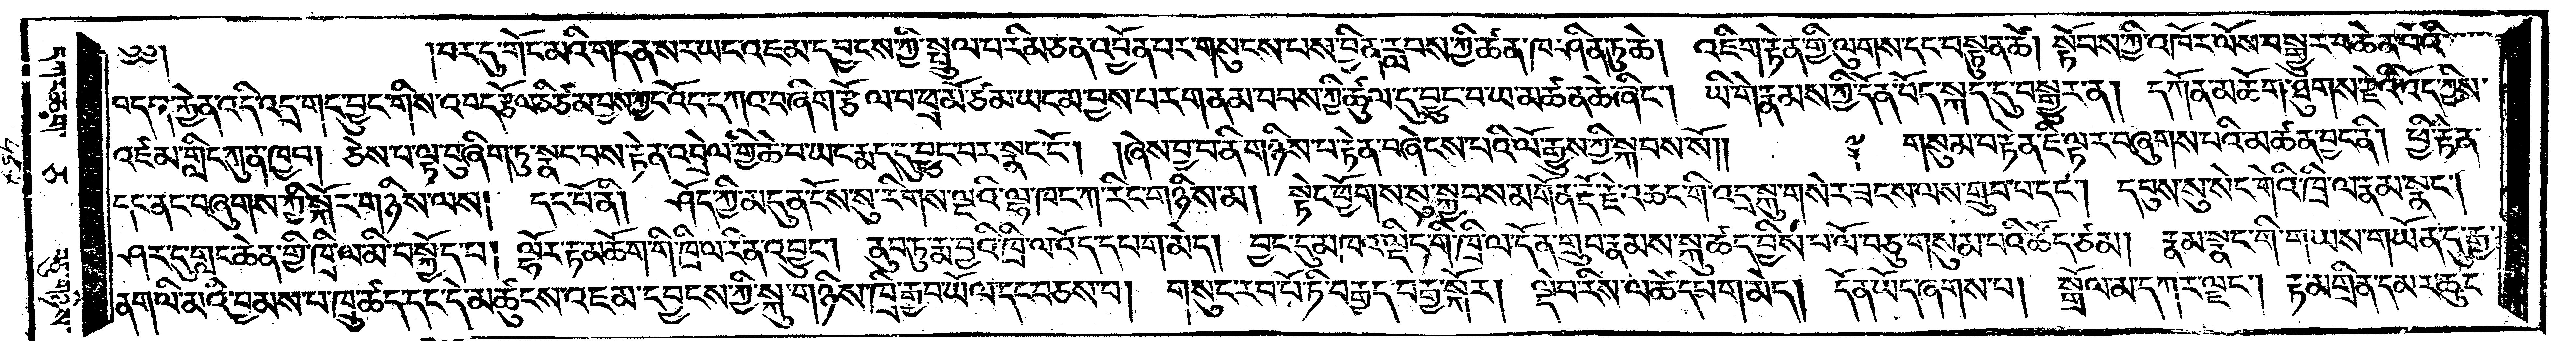༄༅། །བར་དུ་གོང་མའི་གདན་སར་ཡང་འཇམ་དབྱངས་ཀྱི་སྤྲུལ་པ་རིམ་ཅན་འབྱོན་པར་གསུངས་པས་བྱིན་རླབས་ཀྱི་ཚན་ཁ་ཤིན་ཏུ་ཆེ། འཇིག་རྟེན་གྱི་ལུགས་དང་བསྟུན་ཚེ། སྟོབས་ཀྱི་འཁོར་ལོས་བསྒྱུར་བ་ཆེན་པོའི་
བདག་རྐྱེན་འདི་འདྲ་གང་བྱུང་གིས་འབད་རྩོལ་ཅི་ཙམ་བྱས་ཀྱང་འོང་དཀའ་བཞིག་རྩོལ་བ་ཕྲ་མོ་ཙམ་ཡང་མ་བྱས་པར་གནམ་བབས་ཀྱི་ཚུལ་དུ་བྱུང་བ་ཡ་མཚན་ཆེ་ཞིང་། ཡི་གེ་རྣམས་ཀྱི་དོན་བོད་སྐད་དུ་བསྒྱུར་ན། དཀོན་མཆོག་ཐུགས་རྗེའི་འོད་ཀྱིས་
འཛམ་གླིང་ཀུན་ཁྱབ། ཅེས་བ་ལྟ་བུ་ཞིག་ཏུ་སྣང་བས་རྟེན་འབྲེལ་གྱི་ཆེ་བ་ཡང་རྨད་དུ་བྱུང་བར་སྣང་ངོ། །ཞེས་བྱ་བ་ནི་གཉིས་པ་རྟེན་བཞེངས་པའི་ལོ་རྒྱུས་ཀྱི་སྐབས་སོ།། ༈ གསུམ་བ་རྟེན་ཇི་ལྟར་བཞུགས་པའི་མཚན་བྱང་ནི། ཕྱི་རྟེན་
དང་ནང་བཞུགས་ཀྱི་སྐོར་གཉིས་ལས། དང་པོ་ནི། ཤོད་ཀྱི་མདུན་ངོས་སུ་རིགས་ལྔའི་ལྷ་ཁང་ཀ་རིང་གཉིས་མ། སྟེང་ཕྱོགས་སུ་སྐྱབས་མགོན་རྡོ་རྗེ་འཆང་གི་འདྲ་སྐུ་གསེར་ཟངས་ལས་གྲུབ་པ་དང་། དབུས་སུ་སེང་གེའི་ཁྲི་ལ་རྣམ་སྣང་།
ཤར་དུ་གླང་ཆེན་གྱི་ཁྲི་ལ་མི་བསྐྱོད་བ། ལྷོར་རྟ་མཆོག་གི་ཁྲིལ་རིན་འབྱུང་། ནུབ་ཏུ་རྨ་བྱའི་ཁྲི་ལ་འོད་དཔག་མེད། བྱང་དུ་མཁའ་ལྡིང་གི་ཁྲི་ལ་དོན་གྲུབ་རྣམས་སྐུ་ཚད་བྱིས་ཕ་ལོ་བཅུ་གསུམ་པའི་ཚོད་ཙམ། རྣམ་སྣང་གི་གཡས་གཡོན་དུ་རྒྱ་
ནག་ལི་མའི་བྱམས་པ་ཁྲུ་ཚད་དང་དེ་མཚུངས་འཇམ་དབྱངས་ཀྱི་སྐུ་གཉིས་ཁྲི་རྒྱབ་ཡོལ་དང་བཅས། གསུང་རབ་པོ་ཏི་བརྒྱད་བརྒྱ་སྐོར། ལྡེབ་རིས་ལ་ཚེ་དཔག་མེད། དོན་ཡོད་ཞགས་པ། སྒྲོལ་མ་དཀར་ལྗང་། རྟ་མ་ཕྲིན་དམར་ཆུང་